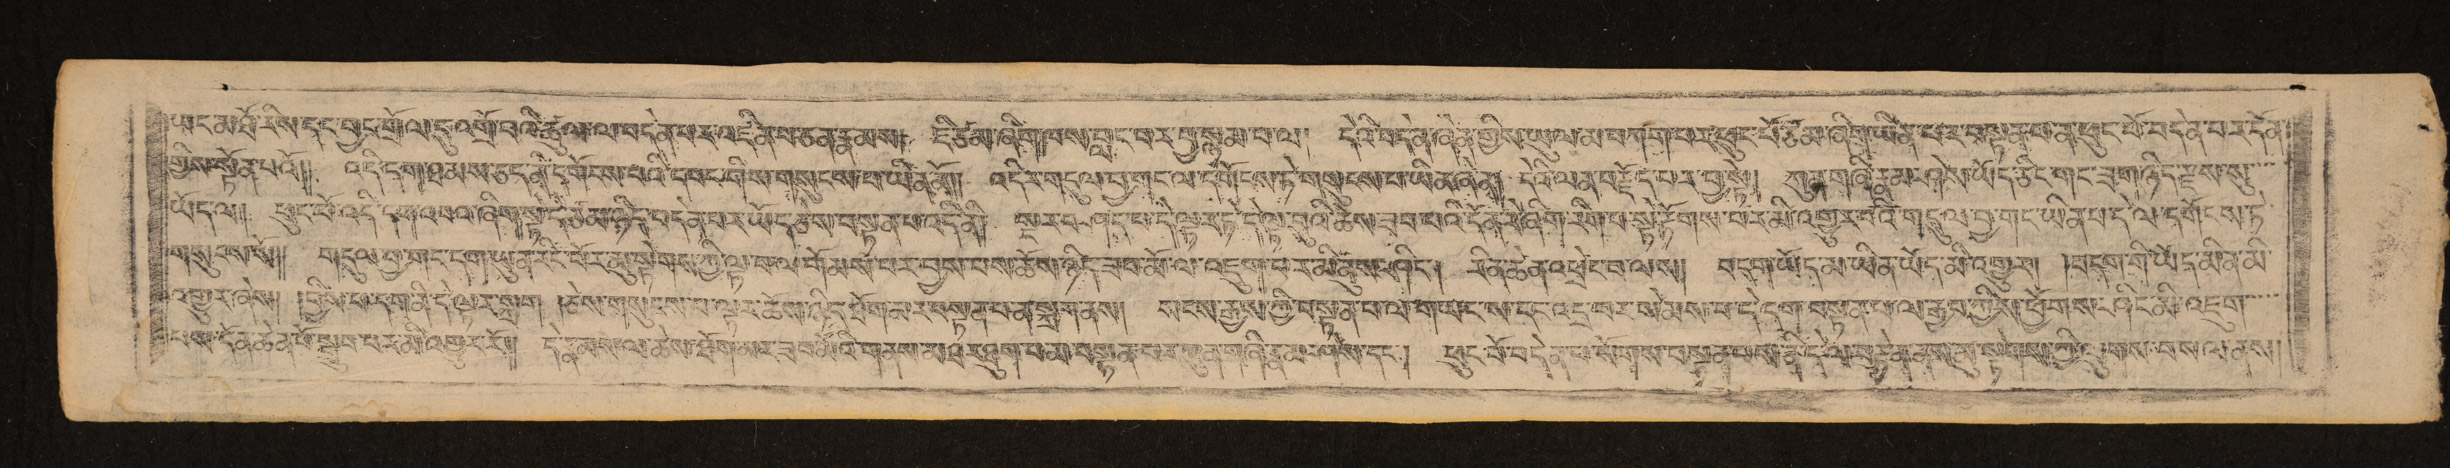ཡང་མཐོ་རིས་དང་བྱང་གྲོལ་དུ་འགྲོ་བའི་ཚུལ་ལ་བདེན་པར་འཛིན་པ་ཅན་རྣམས། ཇི་ཙམ་ཞིག་ཁས་བླང་བར་བྱ་སྙམ་པ་ལ། དེའི་བདེན་ཞེན་གྱིས་ཡུལ་མ་བཀག་པར་ཕུང་པོ་ཙམ་ཞིག་ཡིན་པར་བསྟན་པ་ན་ཕུང་པོ་བདེན་པར་དོན་
གྱིས་སྟོན་པའོ།། འདི་དག་ཐམས་ཅད་ནི་དགོངས་པའི་དབང་གིས་གསུངས་པ་ཡིན་ནོ།། འདིར་གདུལ་བྱ་གང་ལ་དགོངས་ཏེ་གསུངས་པ་ཡིན་ཞེ་ན། དེའི་ལན་བརྗོད་པར་བྱ་སྟེ། ཀུན་གཞི་རྣམ་ཤེས་ཡོད་ཅིང་གང་ཟག་ཉིད་རྫས་སུ་
ཡོད་ལ། ཕུང་པོ་འདི་དག་འབའ་ཞིག་སྟེ་དེ་ཙམ་ཉིད་བདེན་པར་ཡོད་ཅེས་བསྟན་པ་འདི་ནི། སྔར་བཤད་པ་དེ་ལྟར་ཏེ་དེ་ལྟ་བུའི་ཆེས་ཟབ་པའི་དོན་རེ་ཞིག་རིག་པ་སྟེ་རྟོགས་པར་མི་འགྱུར་བའི་གདུལ་བྱ་གང་ཡིན་པ་དེ་ལ་དགོངས་ཏེ་
གསུངས་སོ།། གདུལ་བྱ་གང་དག་ཡུན་རིང་པོར་མུ་སྟེགས་ཀྱི་ལྟ་བ་ལ་གོམས་པར་བྱས་པས་ཆོས་ཉིད་ཟབ་མོ་ལ་འཇུག་པར་མི་ནུས་ཤིང་། རིན་ཆེན་འཕྲེང་བ་ལས། བདག་ཡོད་མ་ཡིན་ཡོད་མི་འགྱུར། །བདག་གི་ཡོད་མིན་མི་
འགྱུར་ཞེས། །བྱིས་པ་དག་ནི་དེ་ལྟར་སྐྲག །ཅེས་གསུངས་པ་ལྟར་ཆོས་ཉིད་ཐོག་མར་བསྟན་པ་ན་སྐྲག་ནས། སངས་རྒྱས་ཀྱི་བསྟན་པ་ལ་གཡང་ས་དང་འདྲ་བར་སེམས་པ་དེ་དག་བསྟན་པ་ལ་རྒྱབ་ཀྱིས་ཕྱོགས་ཤིང་མི་འཇུག་
པས་དོན་ཆེན་པོ་སྒྲུབ་པར་མི་འགྱུར་རོ།། དེ་རྣམས་ལ་ཆེས་ཐོག་མར་ཟབ་མོའི་གནས་མཐར་ཐུག་པ་མ་བསྟན་པར་ཀུན་གཞི་རྣམ་ཤེས་དང་། ཕུང་པོ་བདེན་པ་སོགས་བསྟན་པས་ནི་དེ་ལ་བརྟེན་ནས་མུ་སྟེགས་ཀྱི་ལུགས་བསལ་ནས།